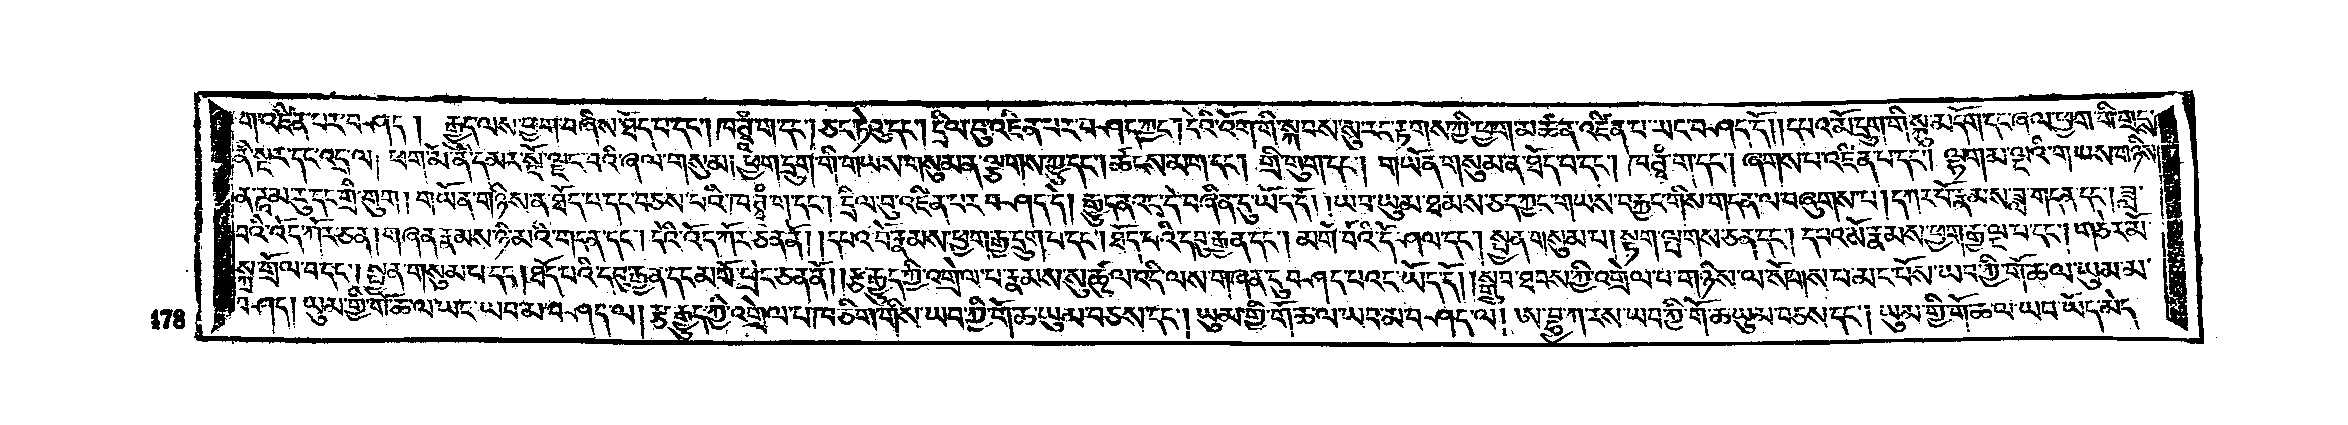ག་འཛིན་པར་བཤད། རྒྱུད་ལས་ཕྱག་བཞིས་ཐོད་པ་དང་། ཁ་ཊྭཱཾ་ག་དང་། ཅང་ཏེའུ་དང་། དྲིལ་བུ་འཛིན་པར་བཤད་ཀྱང་། དེའི་འོག་གི་སྐབས་སུ་རང་རྟགས་ཀྱི་ཕྱག་མཚན་འཛིན་པ་ཡང་བཤད་དོ། །དཔའ་མོ་དྲུག་གི་སྐུ་མདོག་དང་ཞལ་ཕྱག་གི་གྲངས་
ནི་སྔར་དང་འདྲ་ལ། ཕག་མོ་ནི་དམར་སྔོ་ལྗང་བའི་ཞལ་གསུམ། ཕྱག་དྲུག་གི་གཡས་གསུམ་ན་ལྕགས་ཀྱུ་དང་། ཚངས་མགོ་དང་། གྲི་གུག་དང་། གཡོན་གསུམ་ན་ཐོད་པ་དང་། ཁ་ཊྭཱཾ་ག་དང་། ཞགས་པ་འཛིན་པ་དང་། ལྷག་མ་ལྔའི་གཡས་གཉིས་
ན་ཌཱ་མ་རུ་དང་གྲི་གུག །གཡོན་གཉིས་ན་ཐོད་པ་དང་བཅས་པའི་ཁ་ཊྭཱཾ་ག་དང་། དྲིལ་བུ་འཛིན་པར་བཤད་དེ། རྒྱུད་ནའང་དེ་བཞིན་དུ་ཡོད་དོ། །ཡབ་ཡུམ་ཐམས་ཅད་ཀྱང་གཡས་བརྐྱང་གིས་གདན་ལ་བཞུགས་པ། དཀར་པོ་རྣམས་ཟླ་གདན་དང་། ཟླ་
བའི་འོད་ཀོར་ཅན། གཞན་རྣམས་ཉི་མའི་གདན་དང་། དེའི་འོད་ཀོར་ཅན་ནོ། །དཔའ་བོ་རྣམས་ཕྱག་རྒྱ་དྲུག་པ་དང་། ཐོད་པའི་དབུ་རྒྱན་དང་། མགོ་བོའི་དོ་ཤལ་དང་། སྤྱན་གསུམ་པ། སྟག་ལྤགས་ཅན་དང་། དཔའ་མོ་རྣམས་ཕྱག་རྒྱ་ལྔ་པ་དང་། གཅེར་མོ་
སྐྲ་གྲོལ་བ་དང་། སྤྱན་གསུམ་པ་དང་། ཐད་པའི་དབུ་རྒྱན་དང་མགོ་ཕྲེང་ཅན་ནོ། །རྩ་རྒྱུད་ཀྱི་འགྲེལ་པ་རྣམས་སུ་ཚུལ་འོད་ལས་གཞན་དུ་བཤད་པའང་ཡོད་དོ། །སྒྲུབ་ཐབས་ཀྱི་འགྲེལ་པ་གཉིས་ལ་སོགས་པ་མང་པོས་ཡབ་ཀྱི་གོ་ཆ་ལ་ཡུམ་མ་
བཤད། ཡུམ་གྱི་གོ་ཆ་ལ་ཡང་ཡབ་མ་བཤད་ལ། རྩ་རྒྱུད་ཀྱི་འགྲེལ་པ་ཁ་ཅིག་གིས་ཡབ་ཀྱི་གོ་ཆ་ཡུམ་བཅས་དང་། ཡུམ་གྱི་གོ་ཆ་ལ་ཡབ་མ་བཤད་ལ། ཨ་བྷྱཱུ་ཀ་རས་ཡབ་ཀྱི་གོ་ཆ་ཡུམ་བཅས་དང་། ཡུམ་གྱི་གོ་ཆ་ལ་ཡབ་ཡོད་མེད་